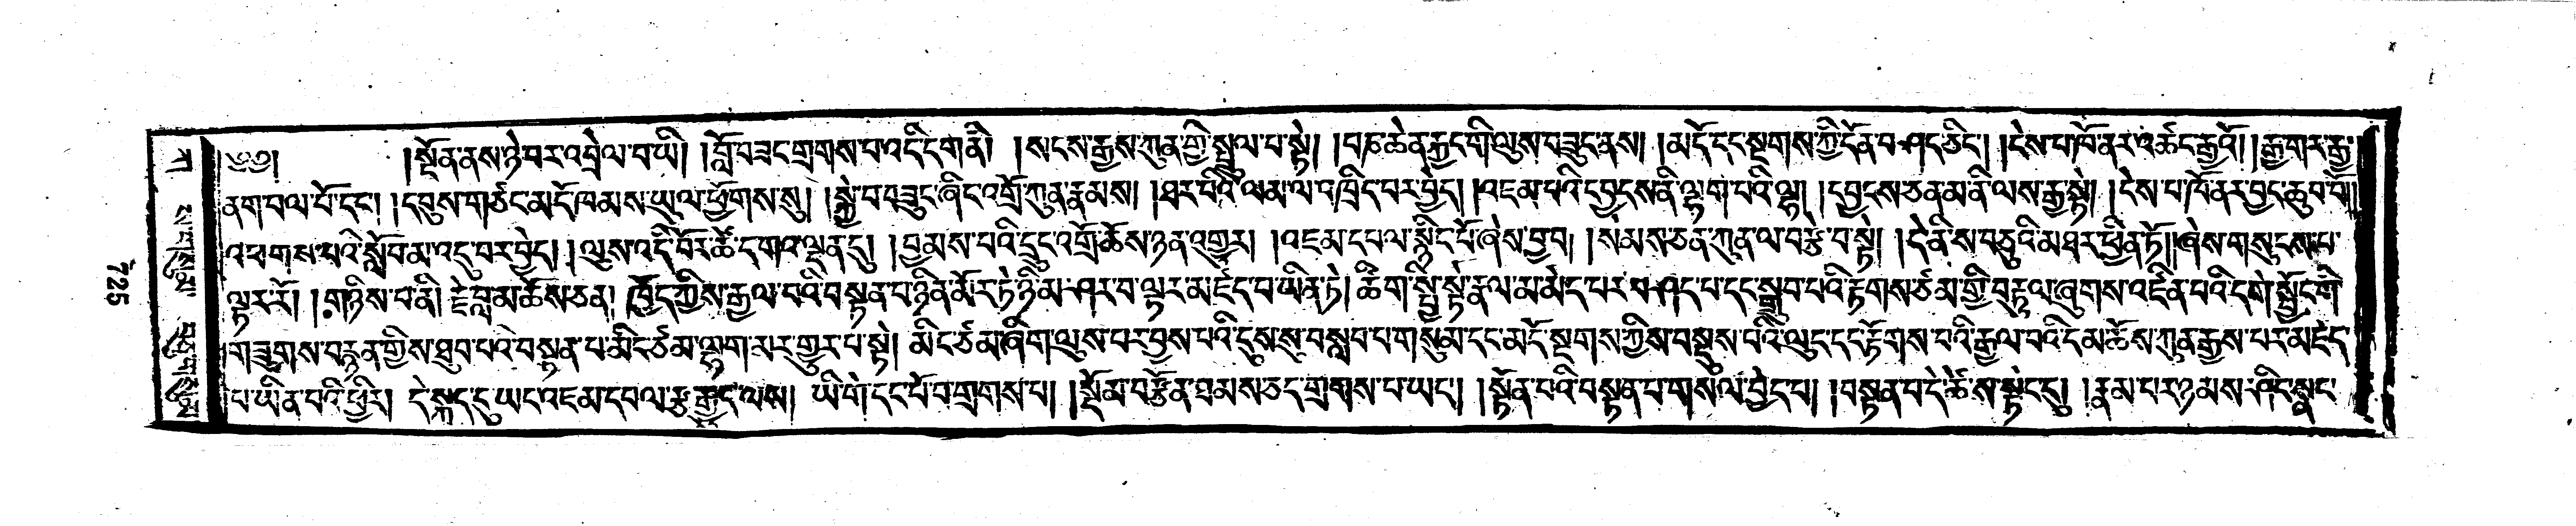༄༅། །སྔོན་ནས་ཉེ་བར་འབྲེལ་བ་ཡི། །བློ་བཟང་གྲགས་པ་འདི་དག་ནི། །སངས་རྒྱས་ཀུན་གྱི་སྤྲུལ་པ་སྟེ། །པཎ་ཆེན་རྐྱང་གི་ལུས་བཟུང་ནས། །མདོ་དང་སྔགས་ཀྱི་དོན་བཤད་ཅིང་། །ངེས་པ་ཁོ་ནར་འཚང་རྒྱའོ། །རྒྱ་གར་རྒྱ་
ནག་བལ་པོ་དང་། །དབུས་གཙང་མདོ་ཁམས་ཡུལ་ཕྱོགས་སུ། །སྐྱེ་བ་བཟུང་ཞིང་འགྲོ་ཀུན་རྣམས། །ཐར་པའི་ལམ་ལ་འཁྲིད་པར་བྱེད། །འཇམ་པའི་དབྱངས་ནི་ལྷག་པའི་ལྷ། །དབྱངས་ཅན་མ་ནི་ལས་རྒྱ་སྟེ། །ངེས་པ་ཁོ་ནར་བྱང་ཆུབ་བོ། །
འཕགས་པའི་སློབ་མ་འདུ་བར་བྱེད། །ལུས་འདི་བོར་ཚེ་དགའ་ལྡན་དུ། །བྱམས་པའི་དྲུང་འགྲོ་ཆོས་ཉན་འགྱུར། །འཇམ་དཔལ་སྙིང་པོ་ཞེས་བྱ་བ། །སེམས་ཅན་ཀུན་ལ་བརྩེ་བ་སྟེ། །དེ་ནི་ས་བཅུའི་མཐར་ཕྱིན་ཏོ། །ཞེས་གསུངས་པ་
ལྟར་རོ། །གཉིས་པ་ནི། རྗེ་བླ་མ་ཆོས་ཅན། ཁྱོད་ཀྱིས་རྒྱལ་བའི་བསྟན་པ་ཉིན་མོར་ཏེ་ཉི་མ་ཤར་བ་ལྟར་མཛད་པ་ཡིན་ཏེ། ཚིག་སྤྱི་སྟེ་རྣལ་མ་མེད་པར་བཤད་པ་དང་སྒྲུབ་པའི་རྟགས་ཙམ་གྱི་བརྟུལ་ཞུགས་འཛིན་པའི་དགེ་སྦྱོང་གི་
གཟུགས་བརྙན་གྱིས་ཐུབ་པའི་བསྟན་པ་མིང་ཙམ་ལྷག་མར་གྱུར་པ་སྟེ། མིང་ཙམ་ཞིག་ལུས་པར་བྱས་པའི་དུས་སུ་བསླབ་པ་གསུམ་དང་མདོ་སྔགས་ཀྱིས་བསྡུས་པའི་ལུང་དང་རྟོགས་པའི་རྒྱལ་བའི་དམ་ཆོས་ཀུན་རྒྱས་པར་མཛད་
པ་ཡིན་པའི་ཕྱིར། དེ་སྐད་དུ་ཡང་འཇམ་དཔལ་རྩ་རྒྱུད་ལས། ཡི་གེ་དང་པོ་བ་གྲགས་པ། །སྡོམ་བརྩོན་ཐམས་ཅད་གྲགས་པ་ཡང་། །སྟོན་པའི་བསྟན་པ་གསལ་བྱེད་པ། །བསྟན་པ་དེ་ཚེ་ས་སྟེང་དུ། །རྣམ་པར་ཉམས་ཤིང་སྣང་